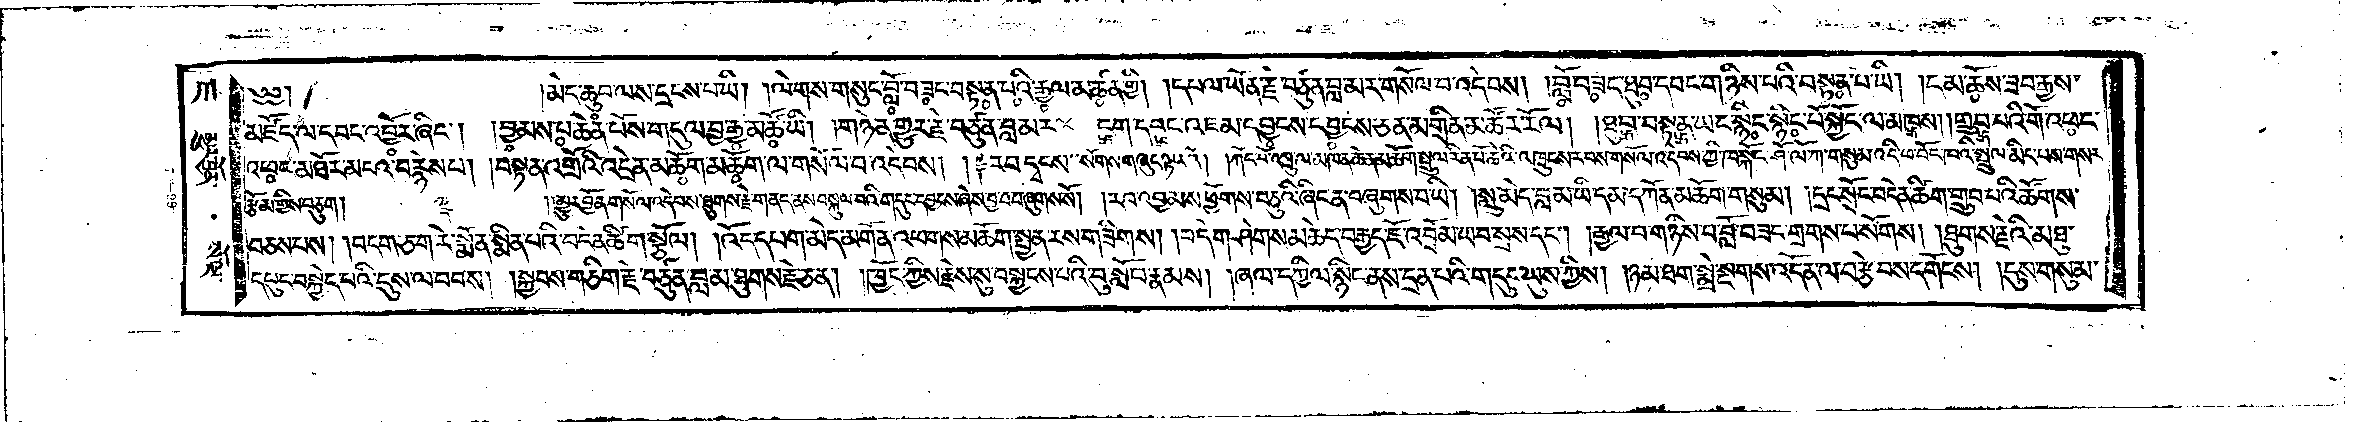༄༅། །མེད་ཆུབ་ལས་དྲངས་བ་ཡི། །ལེགས་གསུང་བློ་བཟང་བསྟན་པའི་རྒྱལ་མཚན་གྱི། །དཔལ་ཡོན་རྗེ་བཙུན་བླ་མར་གསོལ་བ་འདེབས། །བློ་བཟང་ཐུབ་དབང་གཉིས་པའི་བསྟན་པ་ཡི། །དམ་ཆོས་བྲབ་རྒྱས་
མཛོད་ལ་དབང་འབྱོར་ཞིང་། །བྱམས་པ་ཆེན་པོས་གདུལ་བྱ་རྒྱ་མཚོ་ཡི། །གཉེན་གྱུར་རྗེ་བཙུན་བླ་མར་྾་ངག་དབང་འཇམ་དབྱངས་དབྱངས་ཅན་མགྲིན་མཚོར་རོལ། །ཐུབ་བསྟན་ཡང་སྙིང་སྙིང་པོ་སྐྱོང་ལ་མཁས། །གྲུབ་པའི་གོ་འཕང་
འཕང་མཐོང་མངའ་བརྙེས་པ། །བསྟན་འགྲོའི་འདྲེན་མཆོག་མཆོག་ལ་གསོལ་བ་འདེབས། ། ༈ རབ་དྭངས་སོགས་གཞུང་ལྟར་རོ། །ཀོང་པོ་འབྲུ་ལ་མཁན་ཆེན་མཆོག་སྤྲུལ་རིན་པོ་ཆེའི་འཁྲུངས་རབས་གསོལ་འདེབས་ཀྱི་བསྐོར་ཤོ་ལོ་ཀ་གསུམ་འདི་ཕ་བོང་ཁའི་སྦྲུལ་མིང་པས་གསར་
རྩོམ་གྱིས་བཅུག ། ༈ ། །མྱུར་བྱོན་གསོལ་འདེབས་ཐུགས་རྗེ་གནད་ནས་བསྐུལ་བའི་གདུང་དབྱངས་ཞེས་བྱ་བ་བཞུགས་སོ། །རབ་འབྱམས་ཕྱོགས་བཅུའི་ཞིང་ན་བཞུགས་པ་ཡི། །སླུ་མེད་བླ་མ་ཡི་དམ་དཀོན་མཆོག་གསུམ། །དྲང་སྲོང་བདེན་ཚིག་གྲུབ་པའི་ཚོགས་
བཅས་པས། །བདག་ཅག་རེ་སྨོན་སྨིན་པའི་བདེན་ཚིག་སྩོལ། །འོད་དཔག་མེད་མགོན་འཕགས་མཆོག་སྤྱན་རས་གཟིགས། །བདེ་གཤེགས་མཆེད་བརྒྱད་ཇོ་འབྲོམ་ཡབ་སྲས་དང་། །རྒྱལ་བ་གཉིས་པ་བློ་བཟང་གྲགས་པ་སོགས། །ཐུགས་རྗེའི་མཐུ་
དཔུང་བསྐྱེད་པའི་དུས་ལ་བབས། །སྐྱབས་གཅིག་རྗེ་བཙུན་བླ་མ་ཐུགས་རྗེ་ཅན། །ཁྱོད་ཀྱིས་རྗེས་སུ་བསྐྱངས་པའི་བུ་སློབ་རྣམས། །ཞལ་དཀྱིལ་སྙིང་ནས་དྲན་པའི་གདུང་ཡུས་ཀྱིས། །ཉམ་ཐག་སྨྲེ་སྔགས་འདོན་ལ་བརྩེ་བས་དགོངས། །དུས་གསུམ་